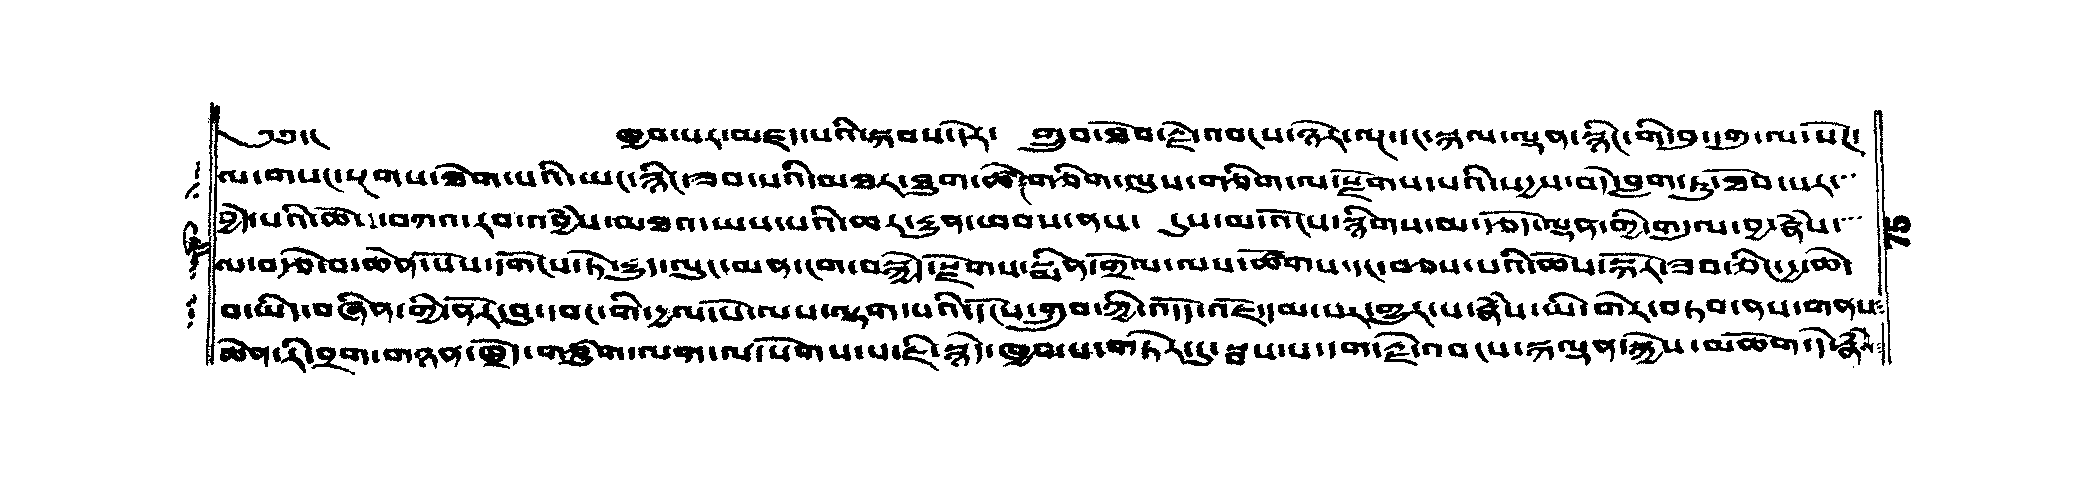ཁྱབ་པར་མཛད་པའི་སྐབས་དེར། གྲུབ་ཐོབ་རྗེ་འབངས་ཉེར་ལྔ་དང་སྐལ་ལྡན་སྙིང་གི་བུ་དགུ་ལ་སོགས་
ལ་གསང་སྔགས་ཐེག་པའི་ཡང་སྙིང་ཟབ་པའི་མཐར་ཐུག་ཚེ་གཅིག་ལུས་གཅིག་ལ་རྫོགས་པའི་སངས་རྒྱས་བདེ་སླག་ཏུ་ཐོབ་པར་
བྱེད་པའི་ཆོས་བཀའ་རབ་འབྱམས་མཐའ་ཡས་པའི་ཆར་རྒྱུན་ཕབས་ནས།དུས་མ་འོངས་སྙིགས་མ་རྩོད་ལྡན་གྱི་གདུལ་བྱ་རྣམས་
ལ་བརྩེ་བ་ཆེན་པོས་དགོངས་ཏེ་རྒྱུད་ལུང་མན་ངག་བསྐྱེད་རྫོགས་སྨིན་གྲོལ་ལས་ཚོགས་དང་བཅས་པའི་ཆོས་སྐོར་ཟབ་ཅིང་རྒྱ་ཆེ་
བ་ཡིད་བཞིན་གྱི་ནོར་བུ་དབང་གི་རྒྱལ་པོ་ལས་ལྷག་པའོ་དངོས་གྲུབ་ཀྱི་འདོད་འཇོ་མ་གྱུར་པ་རྣམས་ཡི་གེར་བཏབ་ནས་གནས་
ཆེན་རི་བྲག་གཉན་ཁྲོད་གཙུག་ལག་ལ་སོགས་པ་ཇི་སྙེད་ཁྱབ་པ་གཏེར་དུ་སྦས་པ་དག་རྗེ་འབངས་སྐལ་ལྡན་སྐྱེས་མཆོག་དེ་རྣམས་